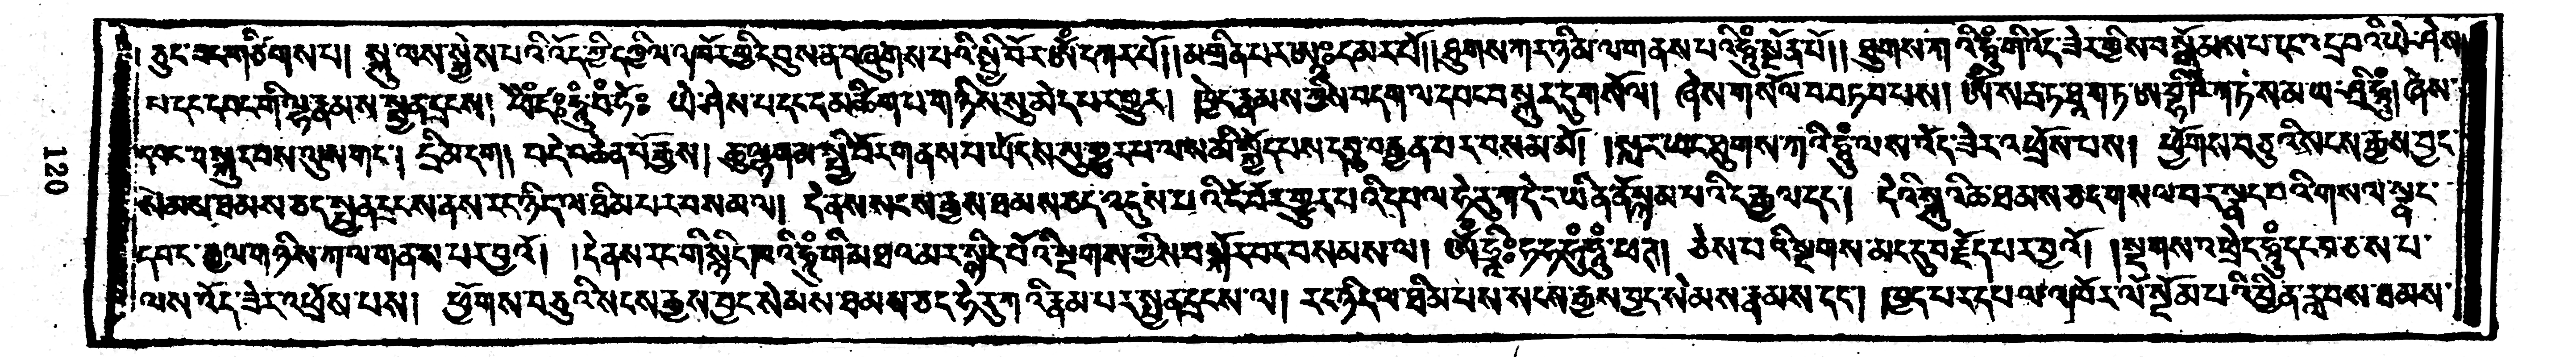ཅུང་ཟང་གཙིགས་པ། སྐུ་ལས་སྐྱེས་པའི་འོད་ཀྱི་དཀྱིལ་འཁོར་གྱི་དབུས་ན་བཞུགས་པའི་སྤྱི་བོར་ཨོཾ་དཀར་པོ། །མགྲིན་པར་ཨཱཿ དམར་པོ། །ཐུགས་ཀར་ཉི་མ་ལ་གནས་པའི་ཧཱུཾ་སྔོན་པོ། །ཐུགས་ཀའི་ཧཱུཾ་གི་འོད་ཟེར་གྱིས་བསྒོམས་པ་དང་འདྲ་བའི་ཡེ་ཤེས་
པ་དང་དབང་གི་ལྷ་རྣམས་སྤྱན་དྲངས། ཕཻཾ་ཛཿ ཧཱུཾ་བཾ་ཧོཿ ཡེ་ཤེས་པ་དང་དམ་ཚིག་པ་གཉིས་སུ་མེད་པར་གྱུར། ཁྱེད་རྣམས་ཀྱིས་བདག་ལ་དབང་བསྐུར་དུ་གསོལ། ཞེས་གསོལ་བ་བཏབ་པས། ཨོཾ་སརྦ་ཏ་ཐཱ་ག་ཏ་ཨ་བྷི་ཥེ་ཀ་ཏ་ས་མ་ཡ་ཤྲི་ཧཱུཾ། ཞེས་
དབང་བསྐུར་བས་ལུས་གང་། དྲི་མ་དག། བདེ་བ་ཆེན་པོ་རྒྱས། ཆུ་ལྷག་མ་སྤྱི་བོར་གནས་པ་ཡོངས་སུ་གྱུར་པ་ལས་མི་སྐྱོད་པས་དབུ་བརྒྱན་པར་བསམ་མོ། །སླར་ཡང་ཐུགས་ཀའི་ཧཱུཾ་ལས་འོད་ཟེར་འཕྲོས་པས། ཕྱོགས་བཅུའི་སངས་རྒྱས་བྱང་
སེམས་ཐམས་ཅད་སྤྱན་དྲངས་ནས་རང་ཉིད་ལ་ཐིམ་པར་བསམ་ལ། དེ་ནས་སངས་རྒྱས་ཐམས་ཅད་འདུས་པའི་ངོ་བོར་གྱུར་པའི་དཔལ་ཧེ་རུ་ཀ་དེ་ང་ཡིན་ནོ་སྙམ་པའི་ང་རྒྱལ་དང་། དེའི་སྐུའི་ཆ་ཐམས་ཅད་གསལ་བར་སྣང་བའི་གསལ་སྣང་
དབང་རྒྱལ་གཉིས་ཀ་ལ་གནས་པར་བྱའོ། །དེ་ནས་རང་གི་སྙིང་ཁའི་ཧཱུཾ་གི་མཐའ་མར་སྙིང་པོའི་སྔགས་ཀྱིས་བསྐོར་བར་བསམས་ལ། ཨོཾ་ཧྲཱིཿ ཧ་ཧ་ཧུཾ་ཧཱུཾ་ཕཊ། ཅེས་པའི་སྔགས་མང་དུ་བརྗོད་པར་བྱའོ། །སྔགས་འཕྲེང་ཧཱུཾ་དང་བ་ཅ་ས་པ་
ལས་འོད་ཟེར་འཕྲོས་པས། ཕྱོགས་བཅུའི་སངས་རྒྱས་བྱང་སེམས་ཐམས་ཅད་ཧེ་རུ་ཀའི་རྣམ་པར་སྤྱན་དྲངས་ལ། རང་ཉིད་ལ་ཐིམ་པས་སངས་རྒྱས་བྱང་སེམས་རྣམས་དང་། ཁྱད་པར་དཔལ་འཁོར་ལོ་སྔོམ་པའི་བྱིན་རླབས་ཐམས་